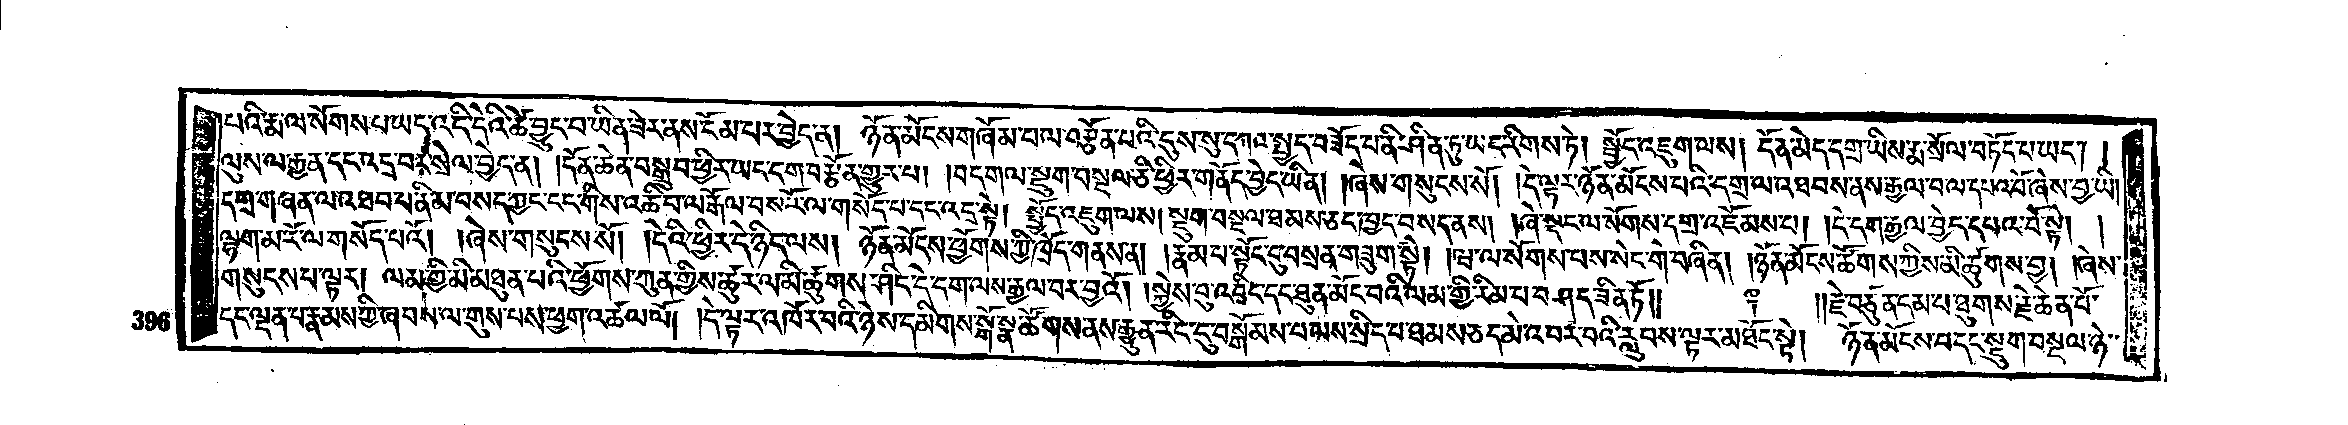པའི་རྨ་ལ་སོགས་པ་ཡང་འདི་དེའི་ཚེ་བྱུང་བ་ཡིན་ཟེར་ནས་ངོམ་པར་བྱེད་ན། ཉོན་མོངས་གཞོམ་པ་ལ་བརྩོན་པའི་དུས་སུ་དཀའ་སྤྱད་བཟོད་པ་ནི་ཤིན་ཏུ་ཡང་རིགས་ཏེ། སྤྱོད་འཇུག་ལས། དོན་མེད་དགྲ་ཡིས་རྨ་སྲོལ་བཏོད་པ་ཡང་། །
ལུས་ལ་རྒྱན་དང་འདྲ་བར་སྲེལ་བྱེད་ན། །དོན་ཆེན་བསྒྲུབ་ཕྱིར་ཡང་དག་བརྩོན་གྱུར་པ། །བདག་ལ་སྡུག་བསྔལ་ཅི་ཕྱིར་གནོད་བྱེད་ཡིན། །ཞེས་གསུངས་སོ། །དེ་ལྟར་ཉོན་མོངས་པའི་དགྲ་ལ་འཐབས་ནས་རྒྱལ་བ་ལ་དཔའ་བོ་ཞེས་བྱ་ཡི།
དགྲ་གཞན་ལ་འཐབ་པ་ནི་མ་བསད་ཀྱང་ངང་གིས་འཆི་བ་ལ་རྒོལ་བས་རོ་ལ་གསོད་པ་དང་འདྲ་སྟེ། སྤྱོད་འཇུག་ལས། སྡུག་བསྔལ་ཐམས་ཅད་ཁྱད་བསད་ནས། །ཞེས་སྡང་ལ་སོགས་དགྲ་འཇོམས་པ། །དེ་དག་རྒྱལ་བྱེད་དཔའ་བོ་སྟེ། །
ལྷག་མ་རོ་ལ་གསོད་པའོ། །ཞེས་གསུངས་སོ། །དེའི་ཕྱིར་དེ་ཉིད་ལས། ཉོན་མོངས་ཕྱོགས་ཀྱི་ཁྲོད་གནས་ན། །རྣམ་པ་སྟོང་དུ་བསྲན་གཟུག་སྟེ། །ཝ་ལ་སོགས་པས་སེང་གེ་བཞིན། །ཉོན་མོངས་ཚོགས་ཀྱིས་མི་ཚུགས་བྱ། །ཞེས་
གསུངས་པ་ལྟར། ལམ་གྱི་མི་མཐུན་པའི་ཕྱོགས་ཀུན་གྱིས་ཚུར་ལ་མི་ཚུགས་ཤིང་དེ་དག་ལས་རྒྱལ་བར་བྱའོ། །སྐྱེས་བུ་འབྲིང་དང་ཐུན་མོང་བའི་ལམ་གྱི་རིམ་པ་བཤད་ཟིན་ཏོ།། ༈ །།རྗེ་བཙུན་དམ་པ་ཐུགས་རྗེ་ཆེན་པོ་
དང་ལྡན་པ་རྣམས་ཀྱི་ཞབས་ལ་གུས་པས་ཕྱག་འཚལ་ལོ། །དེ་ལྟར་འཁོར་བའི་ཉེས་དམིགས་སྒོ་སྣ་ཚོགས་ནས་རྒྱུན་རིང་དུ་བསྒོམས་པ་ལས་སྲིད་པ་ཐམས་ཅད་མེ་འབར་བའི་རླུབས་ལྟར་མཐོང་སྟེ། ཉོན་མོངས་པ་དང་སྡུག་བསྔལ་ཉེ་